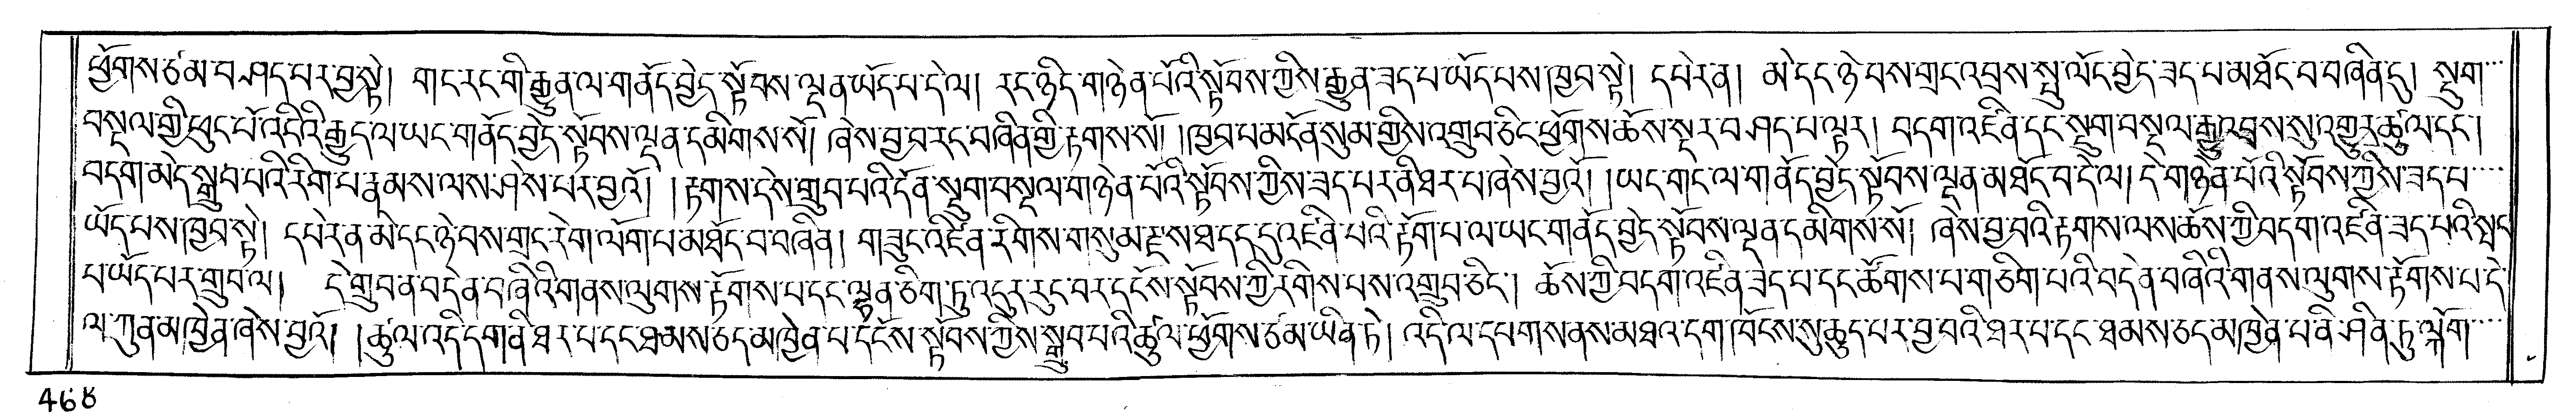ཕྱོགས་ཙམ་བཤད་པར་བྱ་སྟེ། གང་རང་གི་རྒྱུན་ལ་གནོད་བྱེད་སྟོབས་ལྡན་ཡོད་པ་དེ་ལ། རང་ཉིད་གཉེན་པོའི་སྟོབས་ཀྱིས་རྒྱུན་ཟད་པ་ཡོད་པས་ཁྱབ་སྟེ། དཔེར་ན། མེ་དང་ཉེ་བས་གྲང་འབྲས་སྤུ་ལོང་བྱེད་ཟད་ཕ་མཐོང་བ་བཞིན་དུ། སྡུག་
བསྔལ་གྱི་ཕུང་པོ་འདིའི་རྒྱུད་ལ་ཡང་གནོད་བྱེད་སྟོབས་ལྡན་དམིགས་སོ། ཞེས་བྱ་བ་རང་བཞིན་གྱི་རྟགས་སོ། །ཁྱབ་པ་མངོན་སུམ་གྱིས་འགྲུབ་ཅིང་ཕྱོགས་ཆོས་སྔར་བཤད་པ་ལྟར། བདག་འཛིན་དང་སྡུག་བསྔལ་རྒྱུ་འབྲས་བུ་འགྱུར་ཚུལ་དང་།
བདག་མེད་སྒྲུབ་པའི་རིག་པ་རྣམས་ལས་ཤེས་པར་བྱའོ། །རྟགས་དེས་གྲུབ་པའི་དོན་སྡུག་བསྔལ་གཉེན་པོའི་སྟོབས་ཀྱིས་ཟད་པར་ནི་ཐར་པ་ཞེས་བྱའོ། །ཡང་གང་ལ་གནོད་བྱེད་སྟོབས་ལྡན་མཐོང་བ་དེ་ལ། དེ་གཉེན་པོའི་སྟོབས་ཀྱིས་ཟད་པ་
ཡོད་པས་ཁྱབ་སྟེ། དཔེར་ན་མེ་དང་ཉེ་བས་གྲང་རེག་ལོག་པ་མཐོང་བ་བཞིན། གཟུང་འཛིན་རིགས་གསུམ་རྫས་ཐ་དད་དུ་འཛིན་པའི་རྟོག་པ་ལ་ཡང་གནོད་བྱེད་སྟོབས་ལྡན་དམིགས་སོ། ཞེས་བྱ་བའི་རྟགས་ལས་ཆོས་ཀྱི་བདག་འཛིན་ཟད་པའི་སྤང་
པ་ཡོད་པར་གྲུབ་ལ། དེ་གྲུབ་ན་བདེན་བཞིའི་གནས་ལུགས་རྟོགས་པ་དང་ལྷན་ཅིག་ཏུ་འདུར་རུང་བར་དངོས་སྟོབས་ཀྱི་རིགས་པས་འགྲུབ་ཅིང་། ཆོས་ཀྱི་བདག་འཛིན་ཟད་པ་དང་ཚོགས་པ་གཅིག་པའི་བདེན་བཞིའི་གནས་ལུགས་རྟོགས་པ་དེ་
ལ་ཀུན་མཁྱེན་ཞེས་བྱའོ། །ཚུལ་འདི་དག་ནི་ཐར་པ་དང་ཐམས་ཅད་མཁྱེན་པ་དངོས་སྟོབས་ཀྱིས་སྒྲུབ་པའི་ཚུལ་ཕྱོགས་ཙམ་ཡིན་ཏེ། འདི་ལ་དབགས་ནས་མཐའ་དག་ཁོངས་སུ་ཆུད་པར་བྱ་བའི་ཐར་པ་དང་ཐམས་ཅད་མཁྱེན་པ་ནི་ཤིན་ཏུ་ལྐོག་